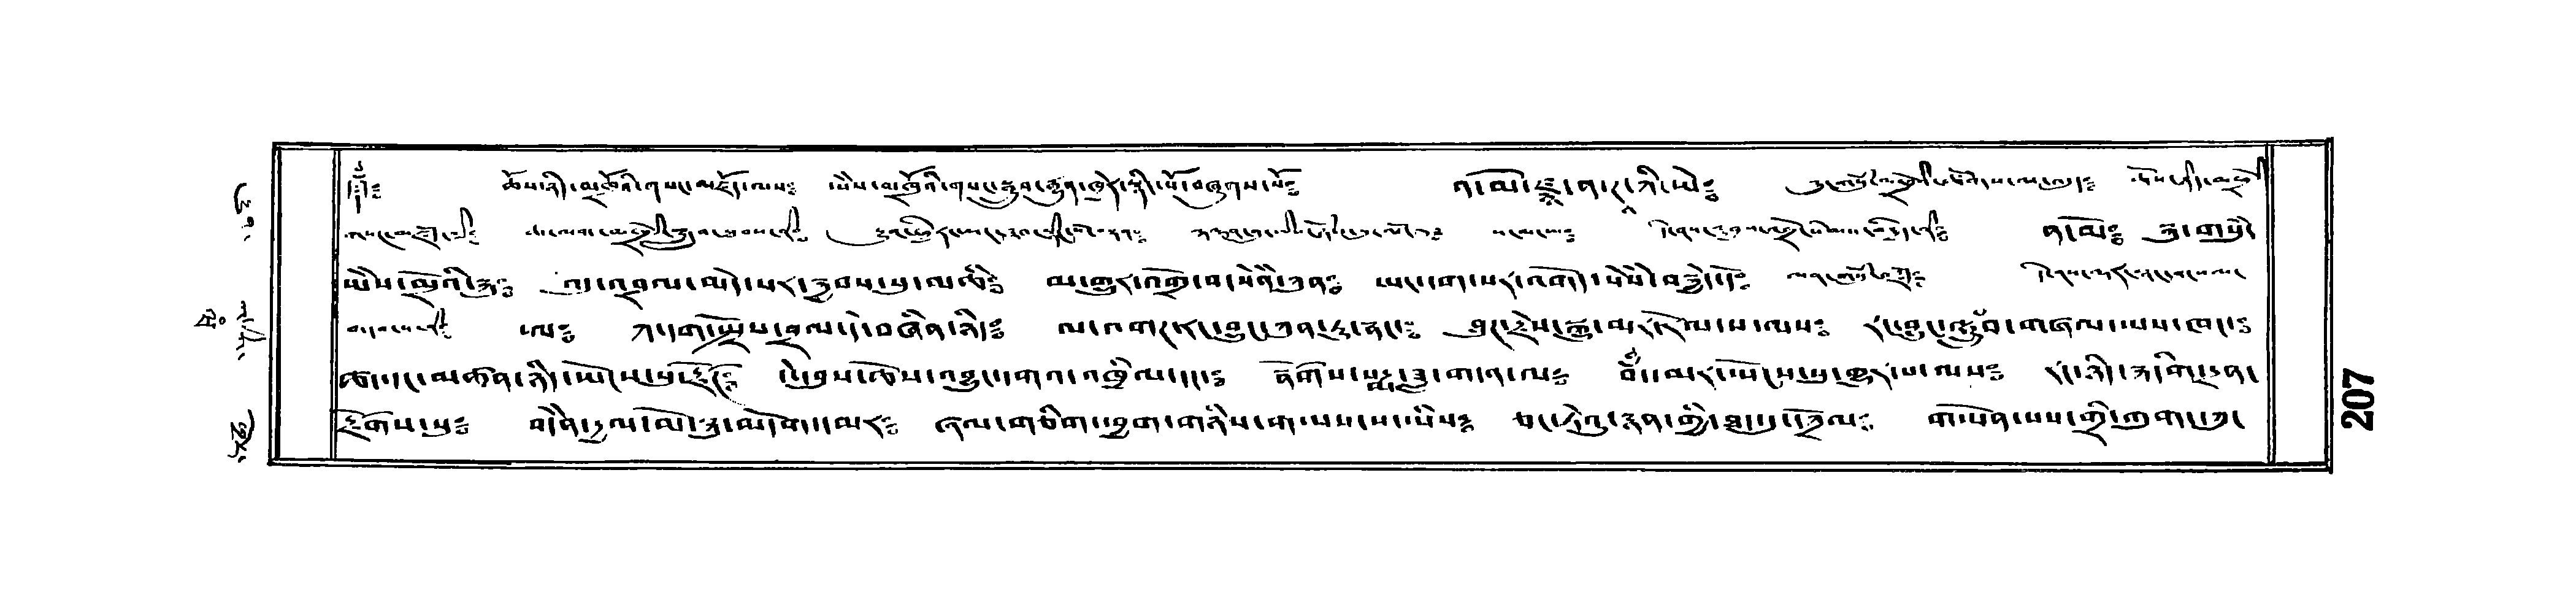ཆོས་ཉིད་མཁའ་འགྲོའི་གསང་མཛོད་ལས༔ ཡེ་ཤེས་མཁའ་འགྲོའི་གསང་སྒྲུབ་རྒྱུན་ཁྱེར་སྙིང་པོ་བཞུགས་སོ༔ ན་མོ་ཛྙཱ་ན་ཌཱ་ཀི་ཡེ༔ སྐུ་གསུམ་མཁའ་འགྲོའི་ཚོགས་ལ་འདུད༔ ཆོས་ཉིད་མཁའ་འགྲོའི་
གསང་མཛོད་ཀྱི༔ ཆ་ལག་མཁའ་འགྲོའི་སྒྲུབ་ཐབས་ནི༔ རྒྱུན་ཁྱེར་ཡང་ཟབ་སྙིང་པོ་བསྟན༔ སྐལ་ལྡན་བུ་ཡིས་ཉམས་སུ་ལོངས༔ ས་མ་ཡ༔ དེ་ནས་སྐྱབས་འགྲོ་སེམས་བསྐྱེད་ནི༔ ན་མོ༔ སྐུ་གསུམ་
ཡེ་ཤེས་མཁའ་འགྲོའི་སྐུ༔ འདུ་འབྲལ་མེད་པར་སྐྱབས་སུ་མཆི༔ མ་གྱུར་འགྲོ་བ་སེམས་ཅན་ཀུན༔ ཡང་དག་སར་འགོད་སེམས་བསྐྱེད་དོ༔ ལན་གསུམ་བརྗོད༔ དེ་ནས་ལྷར་སྣང་གསལ་
གདབ་པ་ནི༔ ཨཱཿ ཀ་དག་སྤྲོས་བྲལ་དེ་བཞིན་ཉིད༔ མ་འགགས་རང་བྱུང་ཀུན་ཏུ་སྣང༔ ཐུགས་རྗེས་སྒྱུ་མར་རོལ་པ་ལས༔ རང་བྱུང་ལྷུན་གྲུབ་གཞལ་ཡས་ཁང༔ 
ཚད་དང་མཚན་ཉིད་ཡོངས་སུ་རྫོགས༔ དེ་དབུས་ཆོས་འབྱུང་དགའ་འཁྱིལ་དང༔ སྣ་ཚོགས་པདྨ་ཟླ་གདན་ལ༔ བྃ་དམར་ཡོངས་སུ་གྱུར་པ་ལས༔ རང་ཉིད་སྐད་ཅིག་དྲན་
རྫོགས་སུ༔ བདེ་ཆེན་རྒྱལ་མོ་སྐུ་མདོག་དམར༔ ཞལ་གཅིག་ཕྱག་གཉིས་གཡས་པ་ཡིས༔ ཅང་ཏེའུ་སྙན་གྱི་ཐད་དུ་དཀྲོལ༔ གཡོན་པས་གྲི་གུག་དཀུ་